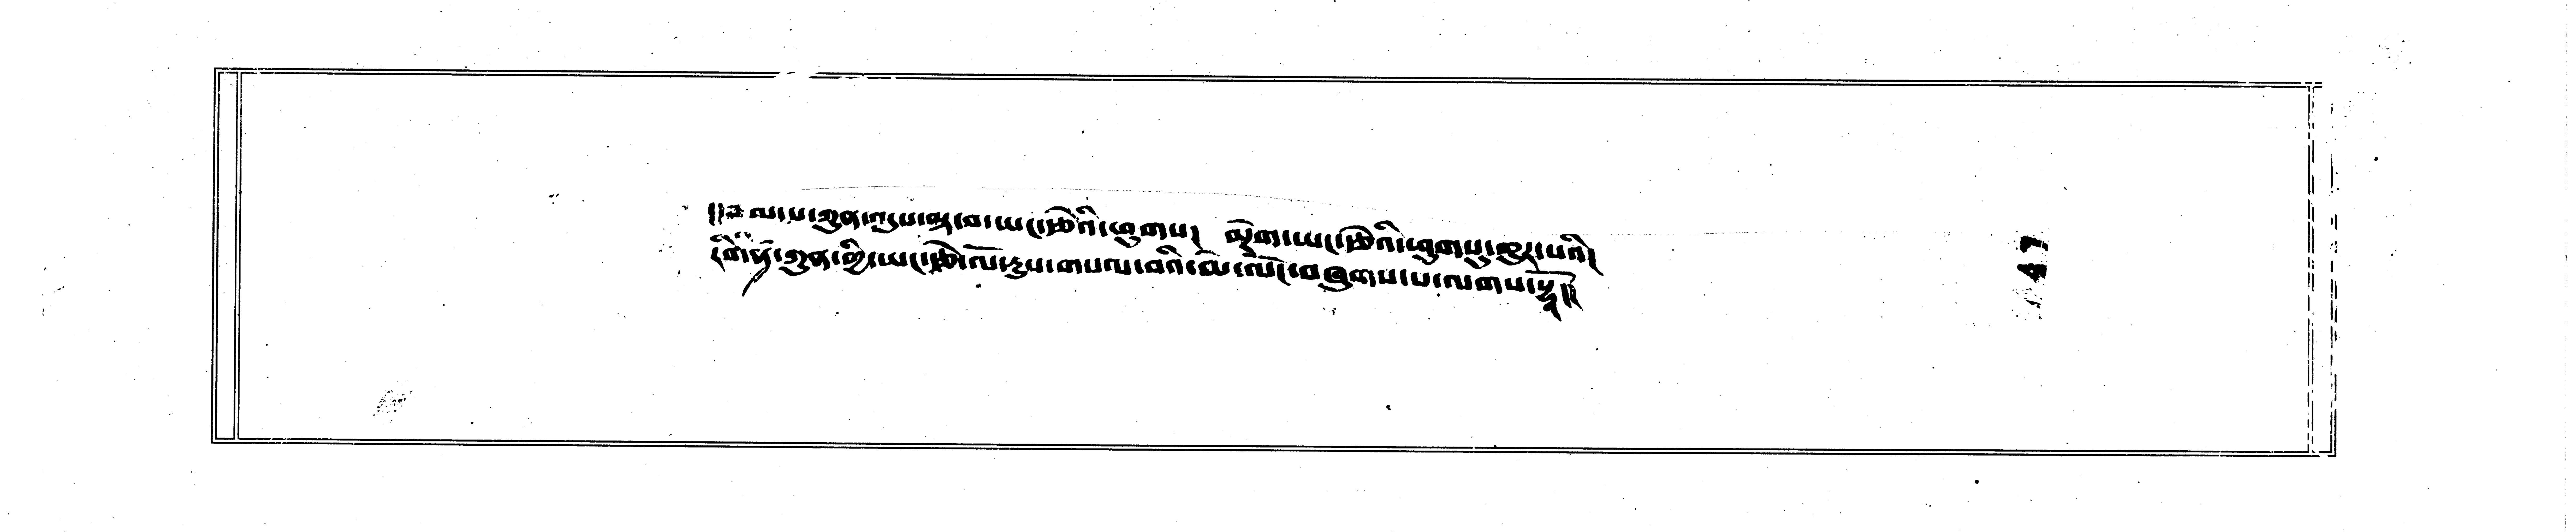སྒོམ་པ་ཀུན་འདུས་ལྟ་བ་ཡང་རྩེའི་ཕུག མན་ངག་ཡང་རྩེའི་ཕུགས་སུ་གྱུར་པ་ཡི། 
རིག་འཛིན་ཀུན་གྱི་ཡང་རྩེ་ལོ་རྒྱུས་གསལ་བའི་མེ་ལོང་བཞུགས་པ་ལགས་སྷོ། །